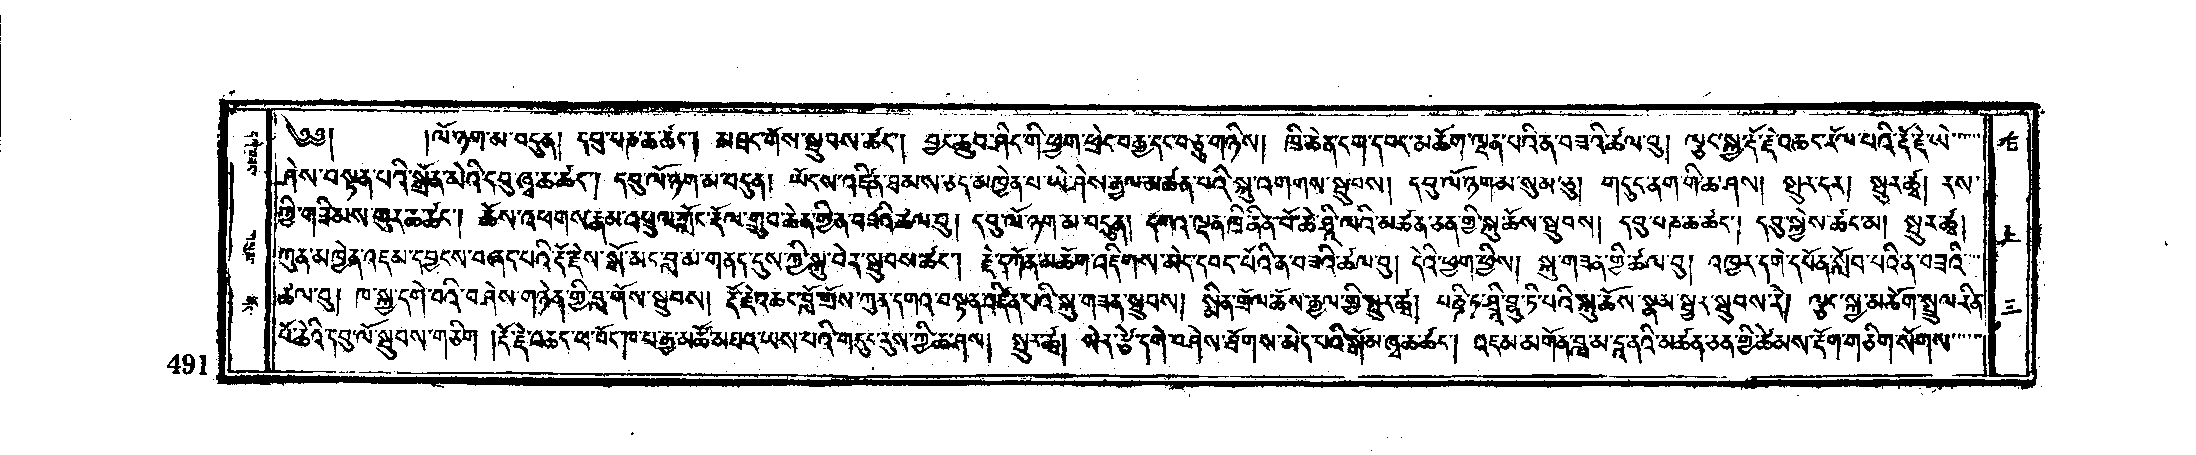༄༅། །ལོ་ཉག་མ་བདུན། དབུ་པཎ་ཆ་ཚང་། མཐང་གོས་སྦུབས་ཚང་། བྱང་ཆུབ་ཤིང་གི་ཕྱག་ཕྲེང་བརྒྱ་དང་བཅུ་གཉིས། ཁྲི་ཆེན་ངག་དབང་མཆོག་ལྡན་པའི་ན་བཟའི་ཚལ་བུ། ལྕང་སྐྱ་རྡོ་རྗེ་འཆང་རོལ་པའི་རྡོ་རྗེ་ཡེ་
ཤེས་བསྟན་པའི་སྒྲོན་མེའི་དབུ་ཞྭ་ཆ་ཚང་། དབུ་ལོ་ཉག་མ་བདུན། ཡོངས་འཛིན་ཐམས་ཅད་མཁྱེན་པ་ཡེ་ཤེས་རྒྱལ་མཚན་པའི་སྐུ་འགགས་སྦུབས། དབུ་ལོ་ཉག་མ་སུམ་ཅུ། གདུང་ནག་གི་ཆ་ཤས། སྤུར་དར། སྤུར་ཚྭ། རས་
ཀྱི་གཟིམས་གུར་ཆ་ཚང་། ཆོས་འཕགས་རྣམ་འཕྲུལ་ཀློང་རྡོལ་གྲུབ་ཆེན་གྱི་ན་བཟའི་ཚལ་བུ། དབུ་ལོ་ཉག་མ་བདུན། དགའ་ལྡན་ཁྲི་རིན་པོ་ཆེ་ཤཱི་ལའི་མཚན་ཅན་གྱི་སྐུ་ཆོས་སྦུབས། དབུ་པཎ་ཆ་ཚང་། དབུ་སྐྱེས་ཚང་མ། སྤུར་ཚྭ།
ཀུན་མཁྱེན་འཇམ་དབྱངས་བཞད་པའི་རྡོ་རྗེས་སྒོ་མང་བླ་མ་གནད་དུས་ཀྱི་སྐུ་བེར་སྦུབས་ཚང་། རྗེ་དཀོན་མཆོག་འཇིགས་མེད་དབང་པོའི་ན་བཟའི་ཚལ་བུ། དེའི་ཕྱག་ཕྱིས། སྐུ་གཟན་གྱི་ཚལ་བུ། འཁྱར་དགེ་དཔོན་སློབ་པའི་ན་བཟའི་
ཚལ་བུ། ཁ་སྐྱ་དགེ་བའི་བཤེས་གཉེན་གྱི་བླ་གོས་སྦུབས། རྡོ་རྗེ་འཆང་བློ་གྲོས་ཀུན་དགའ་བསྟན་འཛིན་པའི་སྐུ་གཟན་སྦུབས། སྨིན་གྲོལ་ཆོས་རྒྱལ་གྱི་སྤུར་ཚྭ། པཎྜི་ཏ་ཤྲཱི་བྷུ་ཏི་པའི་སྐུ་ཆོས་སྣམ་སྦྱར་སྦུབས་རེ། ལྕང་སྐྱ་མཆོག་སྤྲུལ་རིན་
པོ་ཆེའི་དབུ་ལོ་སྦུབས་གཅིག །རྡོ་རྗེ་འཆང་ཕ་བོང་ཁ་པ་རྒྱ་མཚོ་མཐའ་ཡས་པའི་གདུང་རུས་ཀྱི་ཆ་ཤས། སྤུར་ཚྭ། སེར་རྩེ་དགེ་བཤེས་ཐོགས་མེད་པའི་སྒོམ་ཞྭ་ཆ་ཚང་། འཇམ་མགོན་བླ་མ་དཱ་ནའི་མཚན་ཅན་གྱི་ཚེམས་རྡོག་གཅིག་སོགས་